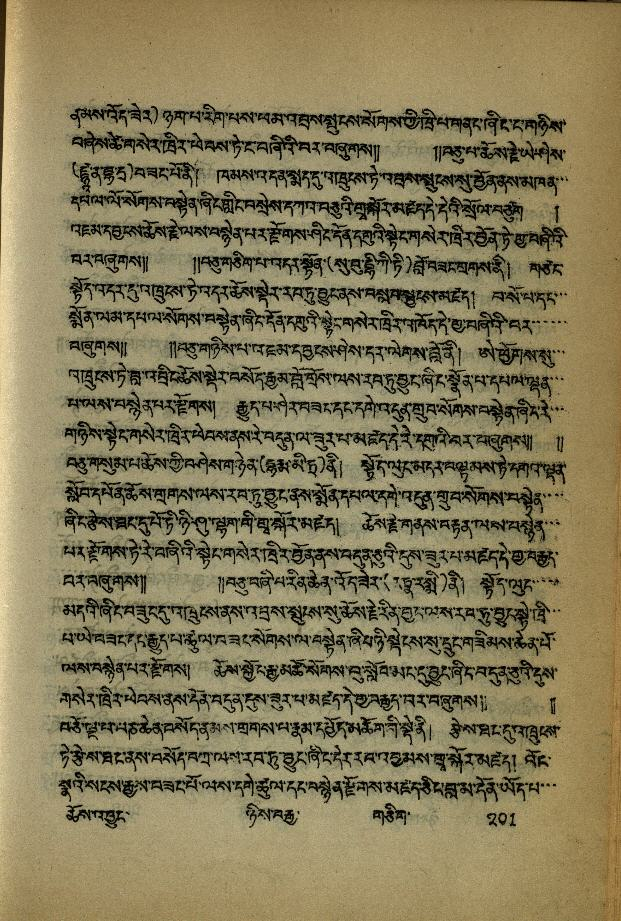ནམས་འོད་ཟེར་ཉག་པ་རིག་པས་ཕམ་འབྲས་སྤུངས་སོགས་ཀྱི་ཁྲི་པ་གནང་ཞིང་ང་གཉིས་
བཞེས་ཚེ་གསེར་ཁྲིར་ཕེབས་ཏེ་ང་བཞིའི་བར་བཞུགས།། །།བཅུ་པ་ཆོས་རྗེ་ཡེ་ཤེས་
ཛྙཱ་ན་བྷ་དྲ་བཟང་པོ་ནི། ཁམས་འདན་སྨད་དུ་འཁྲུངས་ཏེ་འབྲས་སྤུངས་སུ་བྱོན་ནས་མཁན་
དཔལ་ལོ་སོགས་བསྟེན་ཞིང་གླིང་བསྲེགས་དཀའ་བཅུའི་གྲྭ་སྐོར་མཛད་དེ་དེའི་སྲོལ་བཙུག །
འཇམ་དབྱངས་ཆོས་རྗེ་ལས་བསྙེན་པར་རྫོགས་ཤིང་དོན་དགུའི་སྟེང་གསེར་ཁྲིར་བྱོན་ཏེ་གྱ་བཞིའི་
བར་བཞུགས།། །།བཅུ་གཅིག་པ་འདར་སྟོན་་སུ་བུ་དྷི་ཀི་ཏི་བློ་བཟང་གྲགས་ནི། གཙང་
སྟོད་འདར་དུ་འཁྲུངས་ཏེ་འདར་ཆོས་སྡེར་རབ་ཏུ་བྱུང་ནས་བསླབ་སྦྱངས་མཛད། བ་སོ་པ་དང་
སྨོན་ལམ་དཔལ་སོགས་བསྟེན་ཞིང་དོན་དགུའི་སྟེང་གསེར་ཁྲིར་འཁོད་དེ་གྱ་བཞིའི་བར་
བཞུགས།། །།བཅུ་གཉིས་པ་འཇམ་དབྱངས་ཤེས་དར་ལེགས་བློ་ནི། ཨེ་ཕྱོགས་སུ་
འཁྲུངས་ཏེ་བླ་འབྲིང་ཆོས་སྡེར་བསོད་རྒྱམ་བློ་གྲོས་ལས་རབ་ཏུ་བྱུང་ཞིང་སྣོན་པ་དཔལ་ལྡན་
པ་ལས་བསྙེན་པར་རྫོགས། རྒྱུད་པ་ཤེར་བཟང་དང་དགེ་འདུན་གྲུབ་སོགས་བསྟེན་ཞིང་རེ་
གཉིས་སྟེང་གསེར་ཁྲིར་ཕེབས་ནས་རེ་བདུན་ལ་ཟུར་པ་མཛད་དེ་རེ་དགུའི་བར་བཞུགས།། །།
བཅུ་གསུམ་པ་ཆོས་ཀྱི་བཤེས་གཉེན་དྷརྨ་མི་ཏྲ་ནི། སྟོད་ལུང་མདར་བལྟམས་ཏེ་དགའ་ལྡན་
སློབ་དཔོན་ཆོས་གྲགས་ལས་རབ་ཏུ་བྱུང་ནས་སྨོན་དཔལ་དགེ་འདུན་གྲུབ་སོགས་བསྟེན་
ཞིང་རྩེས་ཐང་དུ་པོ་ཏི་ཉི་ཤུ་ལྷག་གི་གྲྭ་སྐོར་མཛད། ཆོས་རྗེ་གནས་བརྟན་ལས་བསྙེན་
པར་རྫོགས་ཏེ་རེ་བཞིའི་སྟེང་གསེར་ཁྲིར་བྱོན་ནས་བདུན་ཅུའི་དུས་ཟུར་པ་མཛད་དེ་གྱ་བརྒྱད་
བར་བཞུགས།། །།བཅུ་བཞི་པ་རིན་ཆེན་འོད་ཟེར་རཏན་རསྨི་ནི། སྟོད་ལུང་
མདའི་ཞིང་བཟུང་དུ་འཁྲུངས་ནས་འབྲས་སྤུངས་སུ་ཆོས་རྗེ་རིན་བྱང་ལས་རབ་ཏུ་བྱུང་སྟེ་ཁྲི་
པ་ཡེ་བཟང་དང་རྒྱུད་པ་ཚུལ་བཟང་སོགས་ལ་བསྟེན་ཞིབ་པ་ཉི་སྡེངས་སུ་དྲུང་གཟིམས་ཆེན་པོ་
ལས་བསྙེན་པར་རྫོགས། ཆོས་སྐྱོང་རྒྱ་མཚོ་སོགས་བུ་སློབ་མང་དུ་བྱུང་ཞིང་བདུན་ཅུའི་དུས་
གསེར་ཁྲིར་ཕེབས་ནས་དོན་བདུན་དུས་ཟུར་པ་མཛད་དེ་གྱ་བརྒྱད་བར་བཞུགས།། །།
བཅོ་ལྔ་པཎ་ཆེན་བསོད་ནམས་གྲགས་པ་རྣམ་དཔྱོད་མཆོག་གི་སྡེ་ནི། རྩེས་ཐང་དུ་འཁྲུངས་
ཏེ་རྩེས་ཐང་ནས་བསོད་བཀྲ་ལས་རབ་ཏུ་བྱུང་ཞིང་དེར་རབ་འབྱམས་གྲྭ་སྐོར་མཛད། འོང་
སྣའི་སངས་རྒྱས་བཟང་པོ་ལས་དགེ་གསུལ་དང་བསྙེན་རྫོགས་མཛད་ཅིང་བླ་མ་དོན་ཡོད་པ་